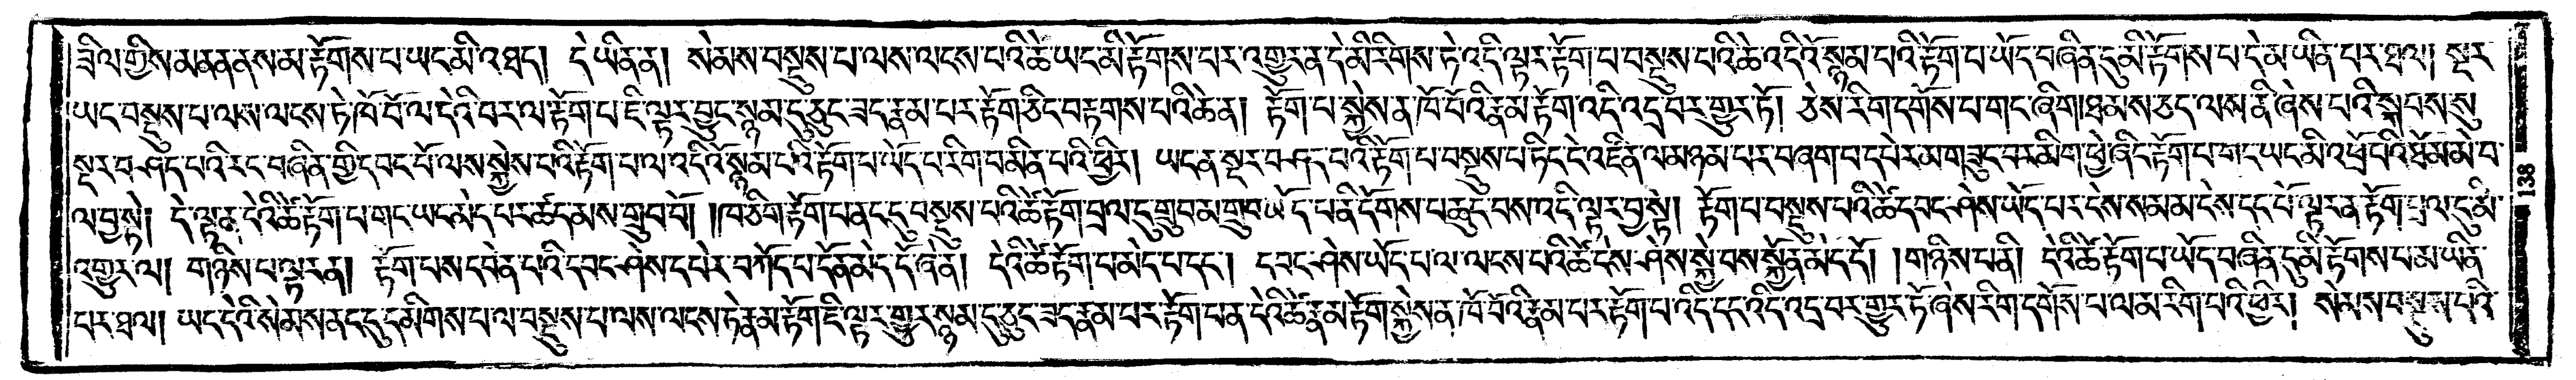ཟིལ་གྱིས་མནན་ནས་མ་རྟོགས་པ་ཡང་མི་འཐད། དེ་ཡིན་ན། སེམས་བསྡུས་པ་ལས་ལངས་པའི་ཚེ་ཡང་མི་རྟོགས་པར་འགྱུར་ན་དེ་མི་རིགས་ཏེ་འདི་ལྟར་རྟོག་པ་བསྡུས་པའི་ཆེ་འདིའོ་སྙམ་པའི་རྟོག་པ་ཡོད་བཞིན་དུ་མི་རྟོགས་པ་དེ་མ་ཡིན་པར་ཐལ། སྔར་
ཡང་བསྡུས་པ་ལས་ལངས་ཏེ་ཁོ་བོ་ལ་དེའི་བར་ལ་རྟོག་པ་ཇི་ལྟར་བྱུང་སྙམ་དུ་ཅུང་ཟད་རྣམ་པར་རྟོག་ཅིང་བརྟགས་པའི་ཆེ་ན། རྟོག་པ་སྐྱེས་ན་ཁོ་བོའི་རྣམ་རྟོག་འདི་འདྲ་བར་གྱུར་ཏོ། ཅེས་རིག་དགོས་པ་གང་ཞིག་ཐམས་ཅད་ལས་ནི་ཞེས་པའི་སྐབས་སུ་
སྔར་བཤད་པའི་རང་བཞིན་གྱི་དབང་པོ་ལས་སྐྱེས་པའི་རྟོག་པ་ལ་འདིའོ་སྙམ་པའི་རྟོག་པ་ཡོད་པ་རིག་པ་མིན་པའི་ཕྱིར། ཡང་ན་སྔར་བཤད་པའི་རྟོག་པ་བསྡུས་པ་ཏིང་ངེ་འཛིན་ལ་མཉམ་པར་བཞག་པ་དཔེར་མ་གཟུང་བར་མིག་ཕྱེ་ཞིང་རྟོག་པ་གང་ཡང་མི་འཕྲོ་བའི་ཐོ་མ་མེ་བ་
ལ་བྱ་སྟེ། དེ་ལྟ་ན་དེའི་ཚེ་རྟོག་པ་གང་ཡང་མེད་པར་ཚད་མས་གྲུབ་བོ། །ཁ་ཅིག་རྟོག་པ་ནང་དུ་བསྡུས་པའི་ཚེ་རྟོག་བྲལ་དུ་གྲུབ་མ་གྲུབ་ཡོད་པ་ནི་དོགས་པ་ཆུང་བས་འདི་ལྟར་བྱ་སྟེ། རྟོག་པ་བསྡུས་པའི་ཚེ་དབང་ཤེས་ཡོད་པར་ངེས་སམ་མ་ངེས་དང་པོ་ལྟར་ན་རྟོག་བྲལ་དུ་མི་
འགྱུར་ལ། གཉིས་པ་ལྟར་ན། རྟོག་པས་དབེན་པའི་དབང་ཤེས་དཔེར་བཀོད་པ་དོན་མེད་དོ་ཞེ་ན། དེའི་ཚེ་རྟོག་པ་མེད་པ་དང་། དབང་ཤེས་ཡོད་པ་ལ་ལངས་པའི་ཚེ་ངེས་ཤེས་སྐྱེ་བས་སྐྱོན་མེད་དོ། །གཉིས་པ་ནི། དེའི་ཚེ་རྟོག་པ་ཡོད་བཞིན་དུ་མི་རྟོགས་པ་མ་ཡིན་
པར་ཐལ། ཡང་དེའི་སེམས་ནང་དུ་དམིགས་པ་ལ་བསྡུས་པ་ལས་ལངས་ཏེ་རྣམ་རྟོག་ཇི་ལྟར་གྱུར་སྙམ་དུ་ཅུང་ཟད་རྣམ་པར་རྟོག་པ་ན་དེའི་ཚེ་རྣམ་རྟོག་སྐྱེས་ན་ཁོ་བོའི་རྣམ་པར་རྟོག་པ་འདི་དང་འདི་འདྲ་བར་གྱུར་ཏོ་ཞེས་རིག་དགོས་པ་ལ་མ་རིག་པའི་ཕྱིར། སེམས་བསྡུས་པའི་